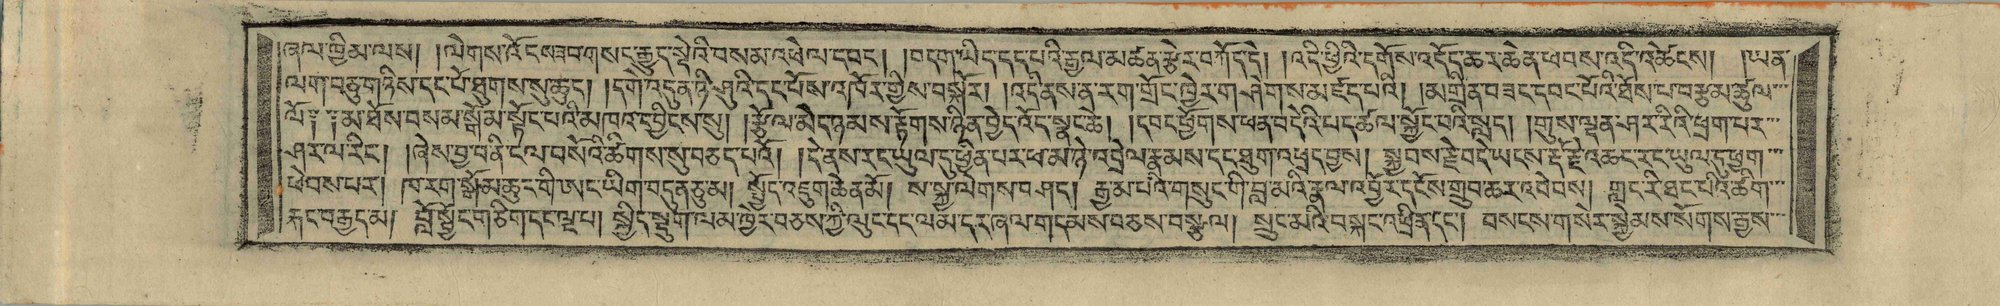ཞལ་ཁྱིམ་ལས། །ལེགས་འོངས་ཟབ་གསང་རྒྱུད་སྡེའི་བསམ་འཕེལ་དབང་། །བདག་ཡིད་དད་པའི་རྒྱལ་མཚན་རྩེར་བཀོད་དེ། །འདི་ཕྱིའི་དགོས་འདོད་ཆར་ཆེན་ཕབས་འདི་འཚེངས། །ཡན་
ལག་བཅུ་གཉིས་དང་པོ་ཐུགས་སུ་ཆུད། །དགེ་འདུན་ཉི་ཤུའི་དང་པོས་འཁོར་གྱིས་བསྐོར། །འདི་ནས་ན་རག་གྲོང་ཁྱེར་གཤེགས་མཛད་པའི། །མགྲིན་བཟང་དབང་པོའི་ཐོས་པ་བརྩམ་ཚུལ་
ལོ༑ ༑མ་ཐོས་བསམ་སྒོམ་སྟོང་པའི་མཁའ་དབྱིངས་སུ། །རྩོལ་མེད་ཉམས་རྟོགས་ཉིན་བྱེད་འོང་སྣང་ཆེ། །དབང་ཕྱོགས་ཕན་བདེའི་པད་ཚལ་སྐྱོང་བའི་སླད། །གུས་ལྡན་ཤར་རིའི་ཕྲག་པར་
ཤར་ལ་རིང་། །ཞེས་བྱ་བ་ནི་ངལ་བསོའི་ཚིགས་སུ་བཅད་པའོ། །དེ་ནས་རང་ཡུལ་དུ་ཕྱིན་པར་ཕ་མ་ཉེ་འབྲེལ་རྣམས་དང་ཐུག་འཕྲང་བྱས། སྐྱབས་རྗེ་བདེ་ཡངས་རྡོ་རྗེ་འཆང་རང་ཡུལ་དུ་ཕྱག་
ཕེབས་པར། ཁ་རག་སྒོམ་ཆུང་གི་ཨང་ཡིག་བདུན་ཅུ་མ། སྤྱོད་འཇུག་ཆེན་མོ། ས་སྐྱ་ལེགས་བཤད། རྒྱ་མ་པའི་གསུང་གི་བླ་མའི་རྣལ་འབྱོར་དངོས་གྲུབ་ཆར་འབེབས། གླང་རི་ཐང་པའི་ཚིག་
རྐང་བརྒྱད་མ། བློ་སྦྱོང་གཅིག་དང་ལྔ་པ། སྐྱིད་སྡུག་ལམ་ཁྱེར་བཅས་ཀྱི་ལུང་དང་ལམ་དར་ཞལ་གདམས་བཅས་བསྩལ། སྲུང་མའི་བསྐང་འཕྲིན་དང་། བསངས་གསེར་སྐྱེམས་སོགས་རྒྱས་